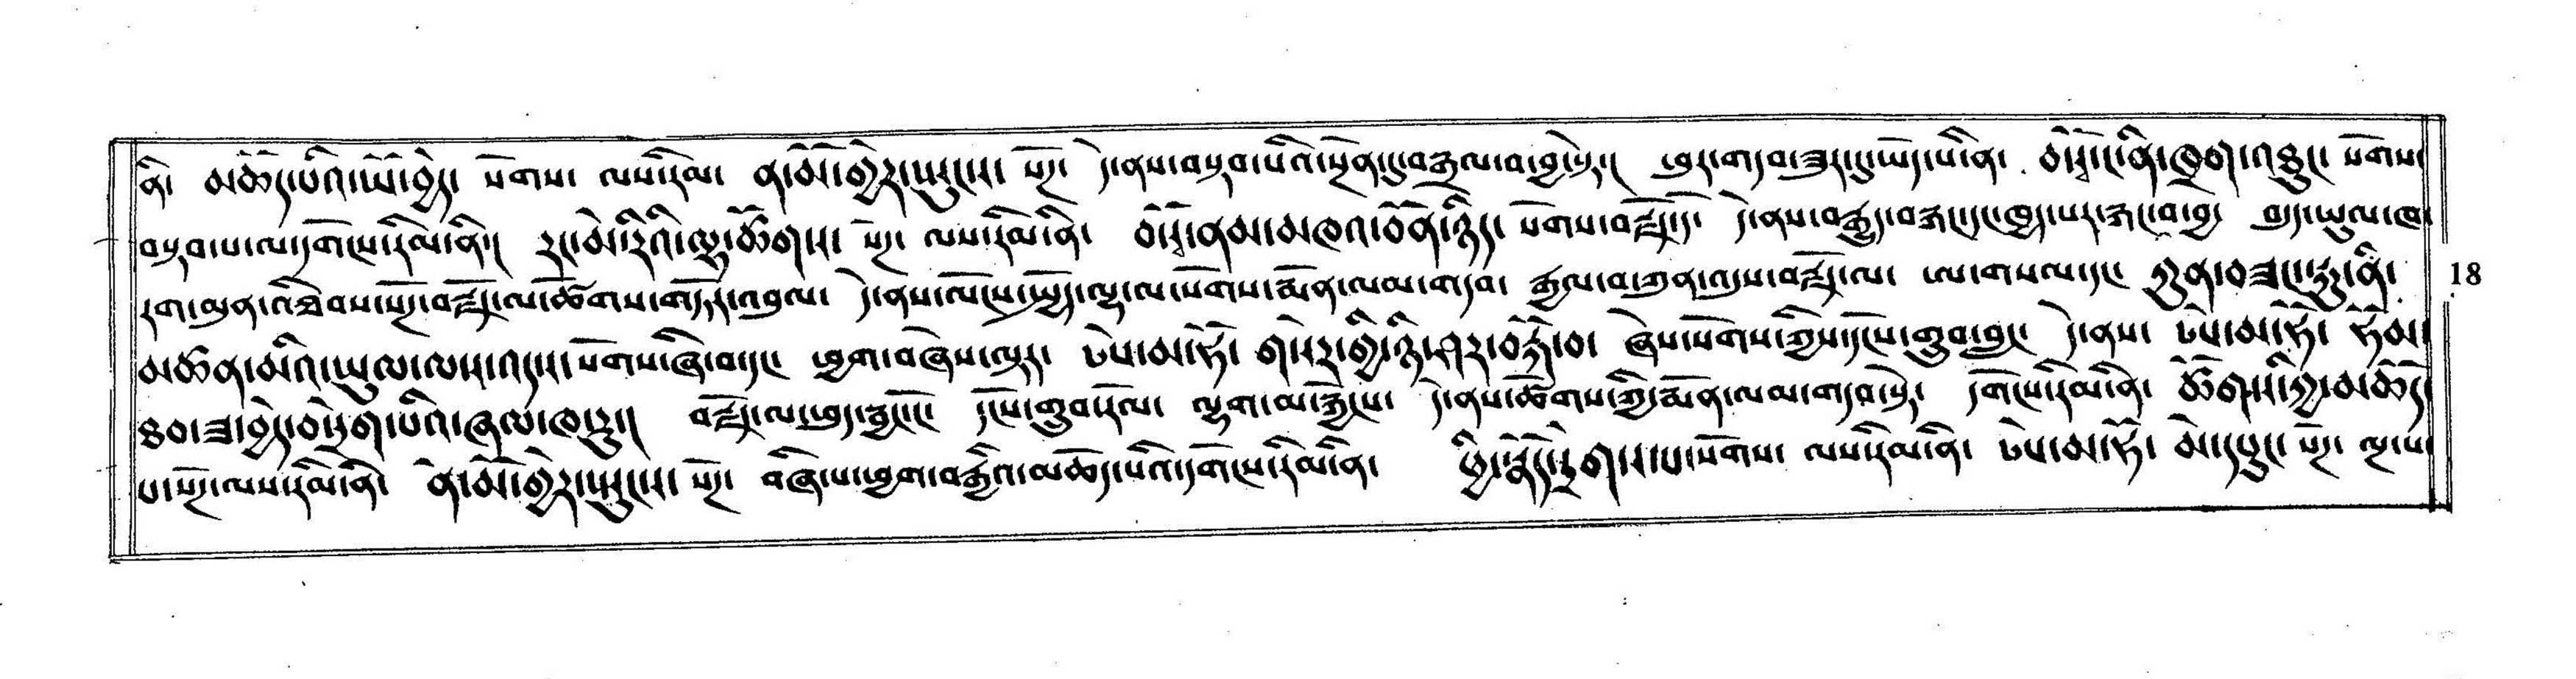ནི་མཆོད་པའི་ཡོ་བྱད་སོགས་ལས་རིམ་ན་མོ་གྱེར་སྤུངས་སོགས་དེ་ནས་བསྟབ་པའི་སྔོན་དུ་བསྒྲལ་བ་བྱ་སྟེ། ཕུར་གདབ་ཟུར་དུ་ཡོད་པ་ནི་བསྭོ་ང་ནི་ཁྲག་འཐུང་སོགས་
བསྟབ་པ་ལ་དགོངས་རིམ་ནི། རང་མེ་རིའི་ལྷ་ཚོགས་སོགས་ལས་རིམ་ནི་བསྭོ་ནམ་མཁའ་བོན་ཉིད་སོགས་བརྗོད་དོ་དེ་ནས་བརྒྱུད་བསྐང་དང་ཁྱད་པར་སྐང་བ་བྱ་བདུད་ཡུལ་ཁ་
རག་མུན་འཐིབས་སོགས་བརྗོད་ལ་ཚོགས་གཏོར་འབུལ་དེ་ནས་ལོངས་སྤྱོད་ལྷ་ལ་སོགས་སྨོན་ལམ་གདབ་རྒྱལ་བ་ཀུན་འདུས་བརྗོད་ལ་ཨ་གསལ་དང་ཀུན་བཟང་སྐུ་ནི་
མཚན་མའི་ཡུལ་ལས་འདས་སོགས་ཞི་བ་དང་ཕྱག་བཞེས་ལྟར་ཨེ་མ་ཧོ་གསེར་གྱི་ཉི་ཤར་བརྐོ་བ་ཞེས་སོགས་ཀྱིས་དངོས་གྲུབ་བླང་དེ་ནས་ཨེ་མ་ཧོ་ཧོམ་
ཐབ་ཟ་བྱེད་བསྲེག་པའི་ཞལ་ཁ་རུ། བརྗོད་ལ་ཕུད་སྦྱང་ངོ་དངོས་གྲུབ་རོལ་ལྷག་མ་སྐྱོངས་དེ་ནས་ཚོགས་ཀྱི་སྨོན་ལམ་གདབ་སྟེ་དགོངས་རིམ་ནི་ཚོགས་ཀྱི་མཆོད་
པ་སོགས་ལས་རིམ་ནི་ན་མོ་གྱེར་སྤུངས་སོགས་བཞི་པ་ཕྱག་བརྒྱའི་མཆོད་པའི་དགོངས་རིམ་ནི་ཕྱི་སྣོད་དྲེགས་པ་སོགས་ལས་རིམ་ནི་ཨེ་མ་ཧོ་མེ་དཔུང་སོགས་ལྔ་པ་